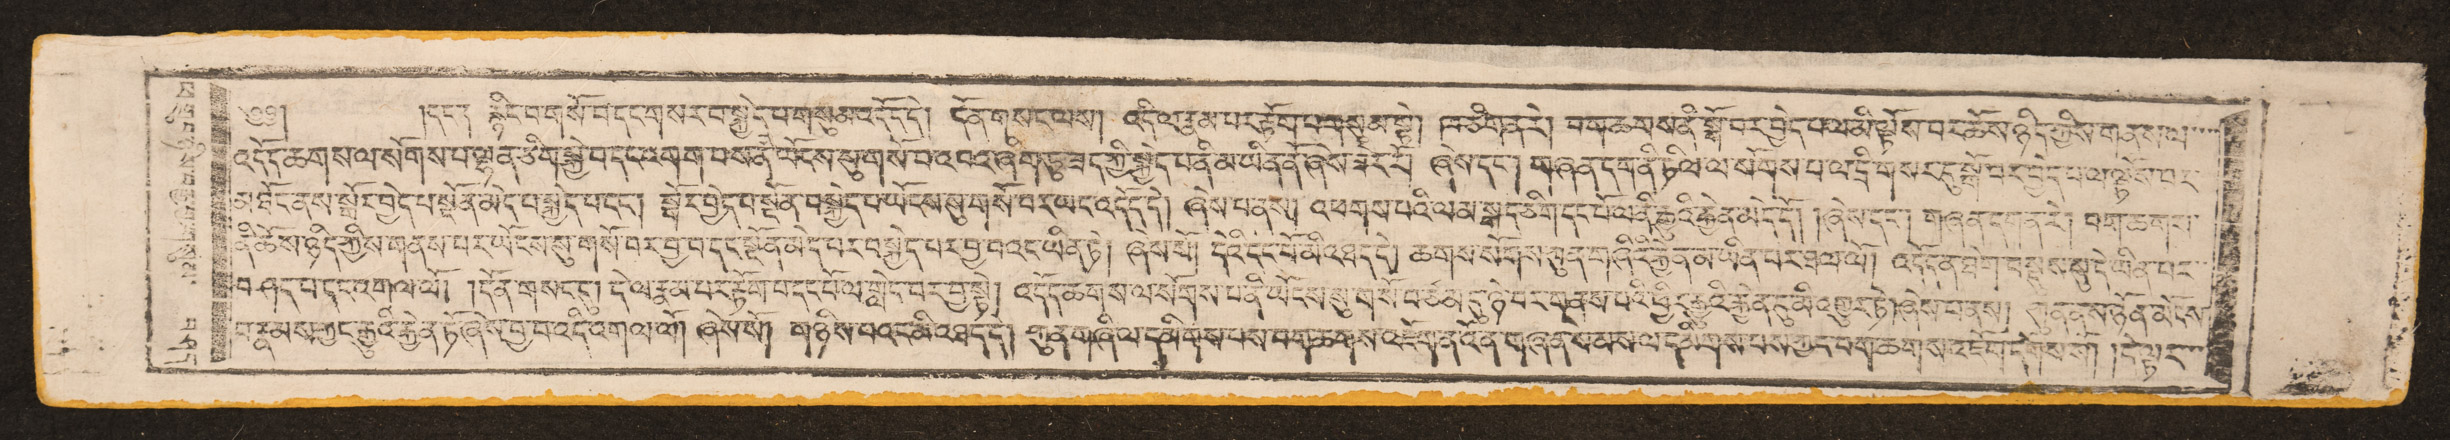༄༅། །དང༑ རྙིང་པ་གསོ་བ་དང་གསར་པ་སྐྱེད་པ་གསུམ་འདོད་དེ། དོན་གསང་ལས། འདི་ལ་རྣམ་པར་རྟོག་པ་གསུམ་སྟེ། ཁ་ཅིག་ན་རེ། བག་ཆགས་ནི་སྒོ་བར་བྱེད་པ་ལ་མི་ལྟོས་པར་ཆོས་ཉིད་ཀྱིས་གནས་ལ་
འདོད་ཆགས་ལ་སོགས་པ་ལྷན་ཅིག་སྐྱེ་བ་དང་འགག་པས་ནི་ཡོངས་སུ་གསོ་བ་འབའ་ཞིག་ཏུ་ཟད་ཀྱི་སྐྱེད་པ་ནི་མ་ཡིན་ནོ་ཞེས་ཟེར་རོ། ཞེས་དང་། གཞན་དག་ནི་ཏིལ་ལ་སོགས་པ་ལ་དྲི་གསར་དུ་སྒོ་བར་བྱེད་པ་ལ་ལྟོས་པར་
མཐོང་ནས་སྒོར་བྱེད་པ་སྔོན་མེད་བསྐྱེད་པ་དང་། སྒོར་བྱེད་པ་སྔོན་བསྐྱེད་པ་ཡོངས་སུ་གསོ་བར་ཡང་འདོད་དེ། ཞེས་པ་ནས། འཕགས་པའི་ལམ་སྐད་ཅིག་དང་པོ་ལ་ནི་རྒྱུའི་རྐྱེན་མེད་དོ། །ཞེས་དང་། གཞན་དག་ན་རེ། བག་ཆགས་
ནི་ཆོས་ཉིད་ཀྱིས་གནས་པར་ཡོངས་སུ་གསོ་བར་བྱ་བ་དང་སྔོན་མེད་པར་བསྐྱེད་པར་བྱ་བའང་ཡིན་ཏེ། ཞེས་སོ། དེའི་དང་པོ་མི་འཐད་དེ། ཆགས་སོགས་ཀུན་གཞིའི་རྐྱེན་མ་ཡིན་བར་ཐལ་ལོ། འདོད་ན་ཐེག་བསྡུས་སུ་དེ་ཡིན་པར་
བཤད་པ་དང་འགལ་ལོ། །དོན་གསང་དུ། དེ་ལ་རྣམ་པར་རྟོག་པ་དང་པོ་ལ་གླེང་བར་བྱ་སྟེ། འདོད་ཆགས་ལ་སོགས་པ་ནི་ཡོངས་སུ་གསོ་བ་ཙམ་དུ་ཉེ་བར་གནས་པའི་ཕྱིར་རྒྱུའི་རྐྱེན་དུ་མི་འགྱུར་ཏེ། ཞེས་པ་ནས། ཀུན་ནས་ཉོན་མོངས་
པ་རྣམས་ཀྱང་རྒྱུའི་རྐྱེན་ཏོ་ཞེས་བྱ་བ་འདི་འགལ་ལོ། ཞེས་སོ། གཉིས་པའང་མི་འཐད་དེ། ཀུན་གཞི་ལ་དམིགས་པས་བག་ཆགས་འཇོག་ན་འོ་ན་གཞན་སེམས་ལ་དམིགས་པས་ཀྱང་བག་ཆགས་འཇོག་དགོས་སོ། །དེ་ལྟར་